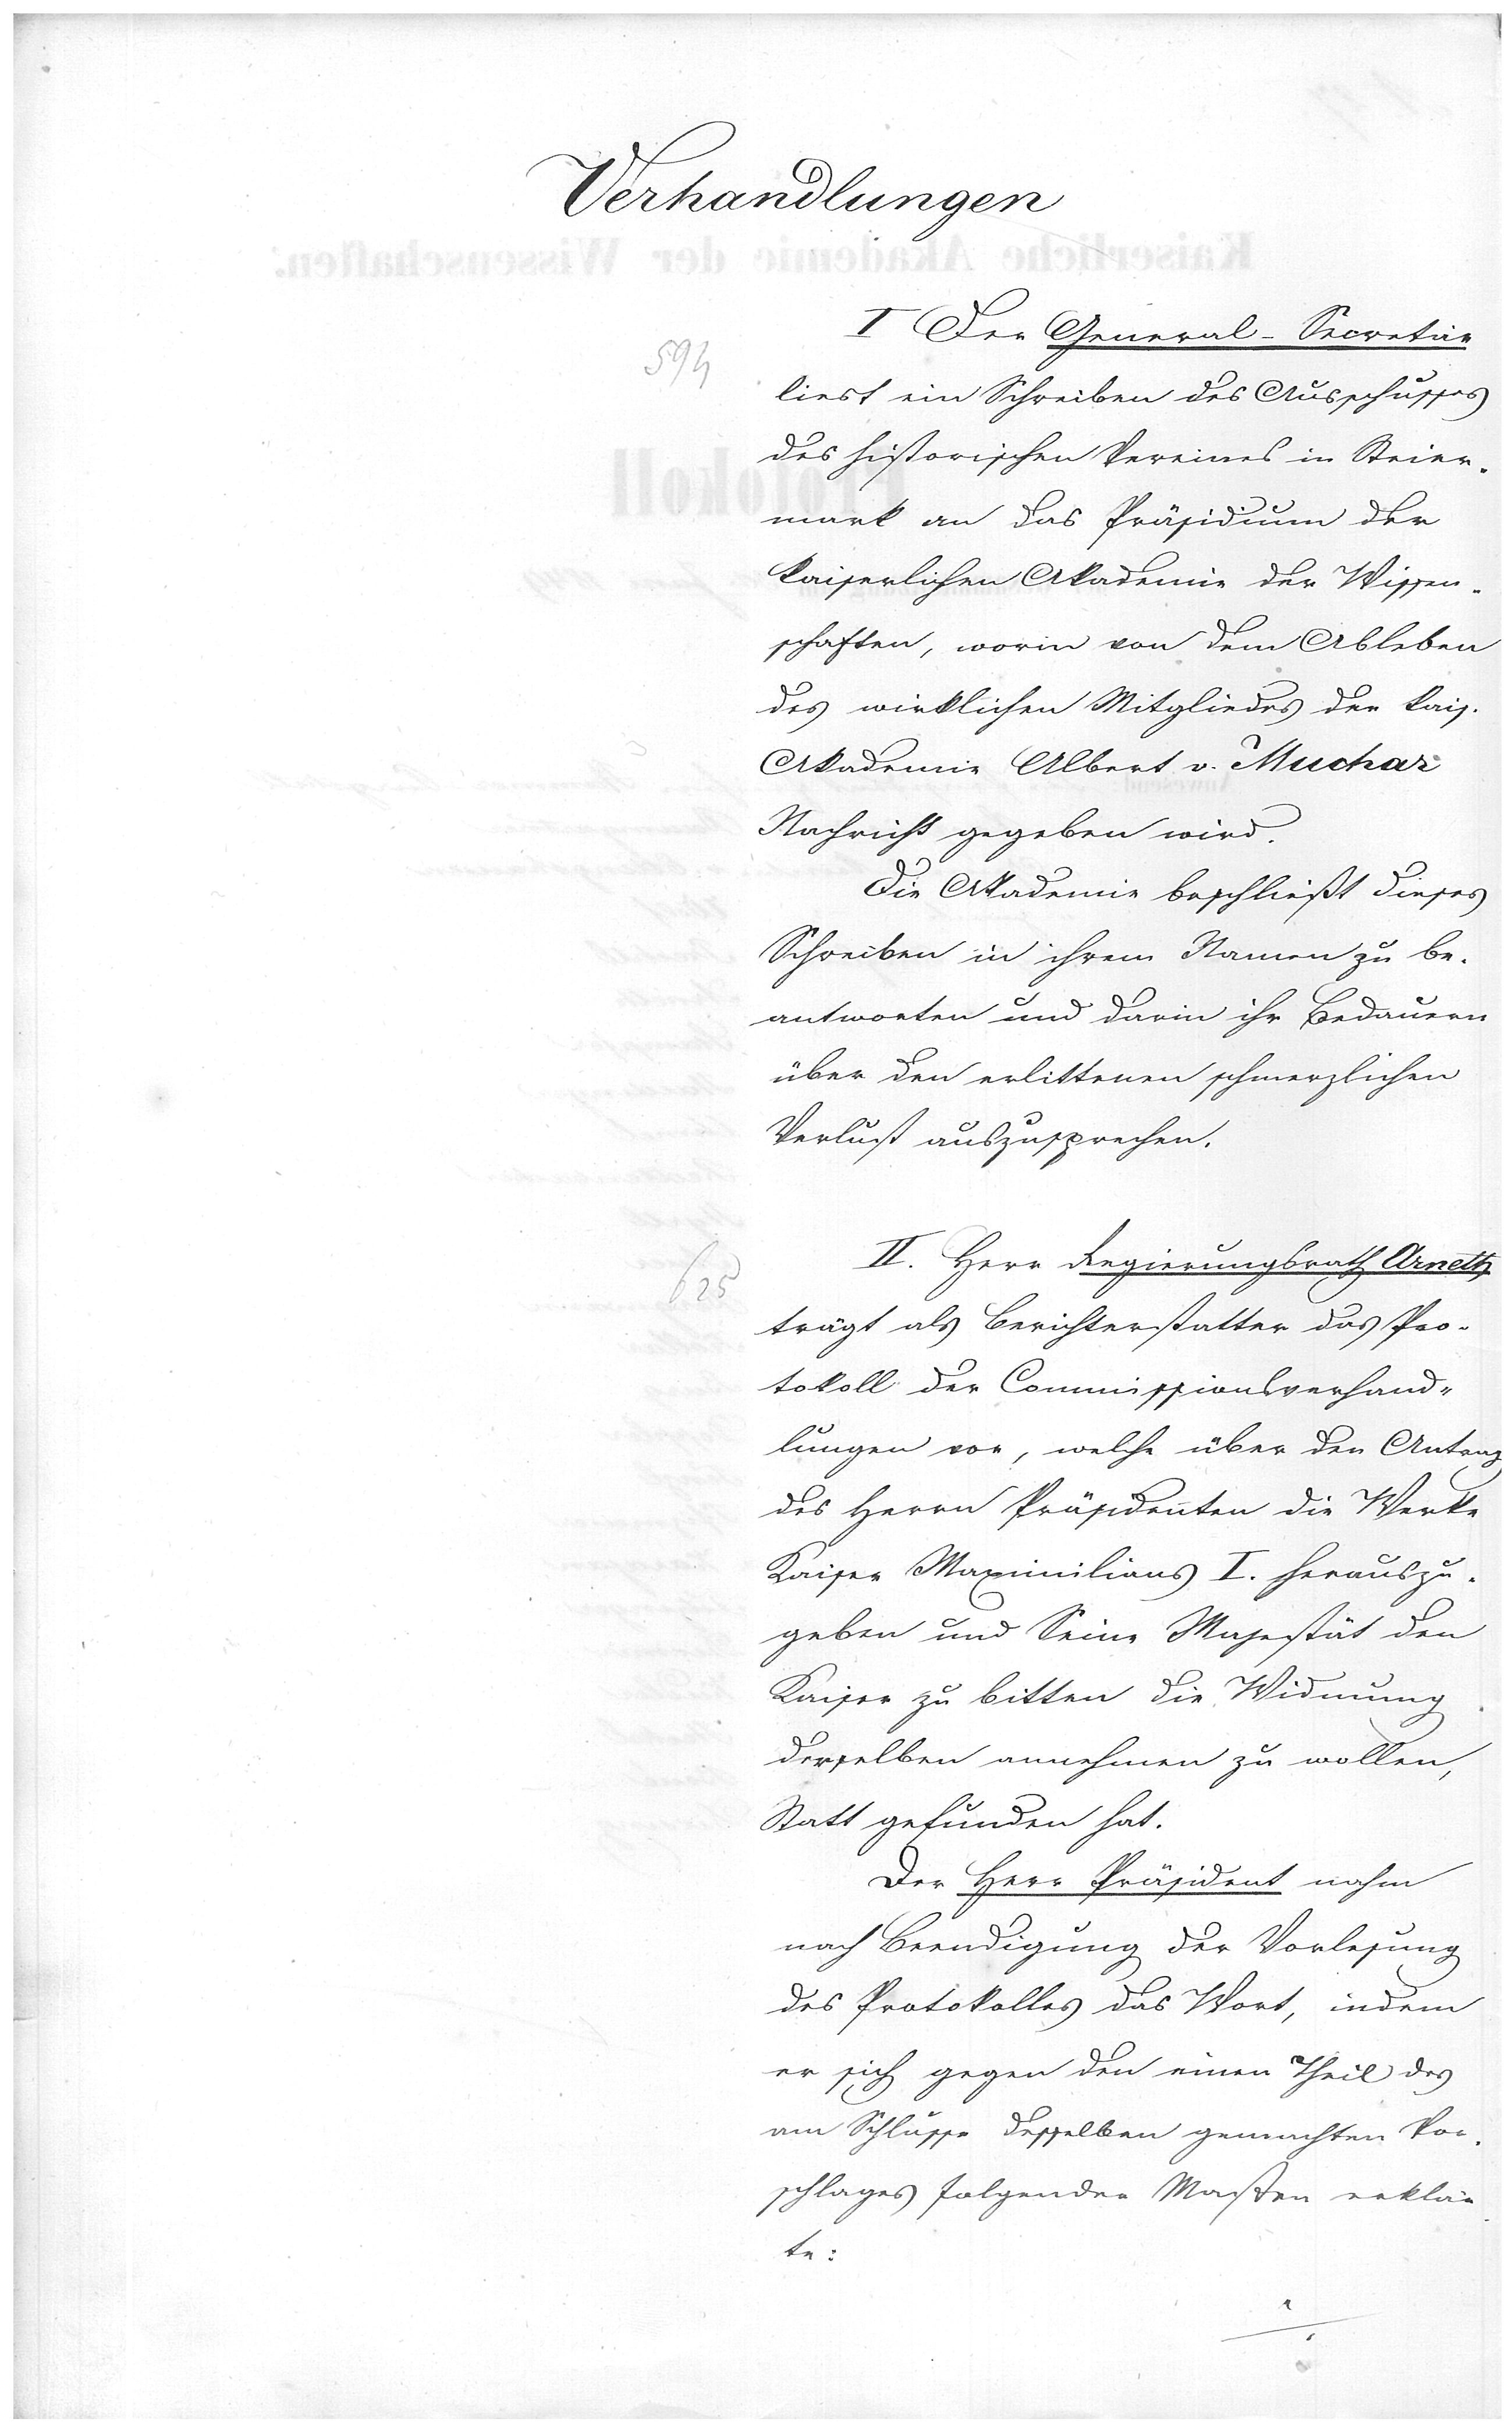Verhandlungen
I Der General-Secretär
liest ein Schreiben des Ausschusses
des historischen Vereines in Steier-
mark an das Präsidium der
kaiserlichen Akademie der Wissen-
schaften, worin von dem Ableben
des wirklichen Mitgliedes der kais.
Akademie Albert v. Muchar
Nachricht gegeben wird.
Die Akademie beschließt dieses
Schreiben in ihrem Namen zu be-
antworten und darin ihr Bedauern
über den erlittenen schmerzlichen
Verlust auszusprechen.
II. Herr Regierungsrath Arneth
trägt als Berichterstatter das Pro-
tokoll der Commissionsverhand-
lungen vor, welche über den Antrag
des Herrn Präsidenten die Werke
Kaiser Maximilians I. herauszu-
geben und Seine Majestät den
Kaiser zu bitten die Widmung
derselben annehmen zu wollen,
statt gefunden hat.
Der Herr Präsident nahm
nach Beendigung der Vorlesung
des Protokolles das Wort, indem
er sich gegen den einen Theil des
am Schlusse desselben gemachten Vor-
schlages folgender Maßen erklär-
te.